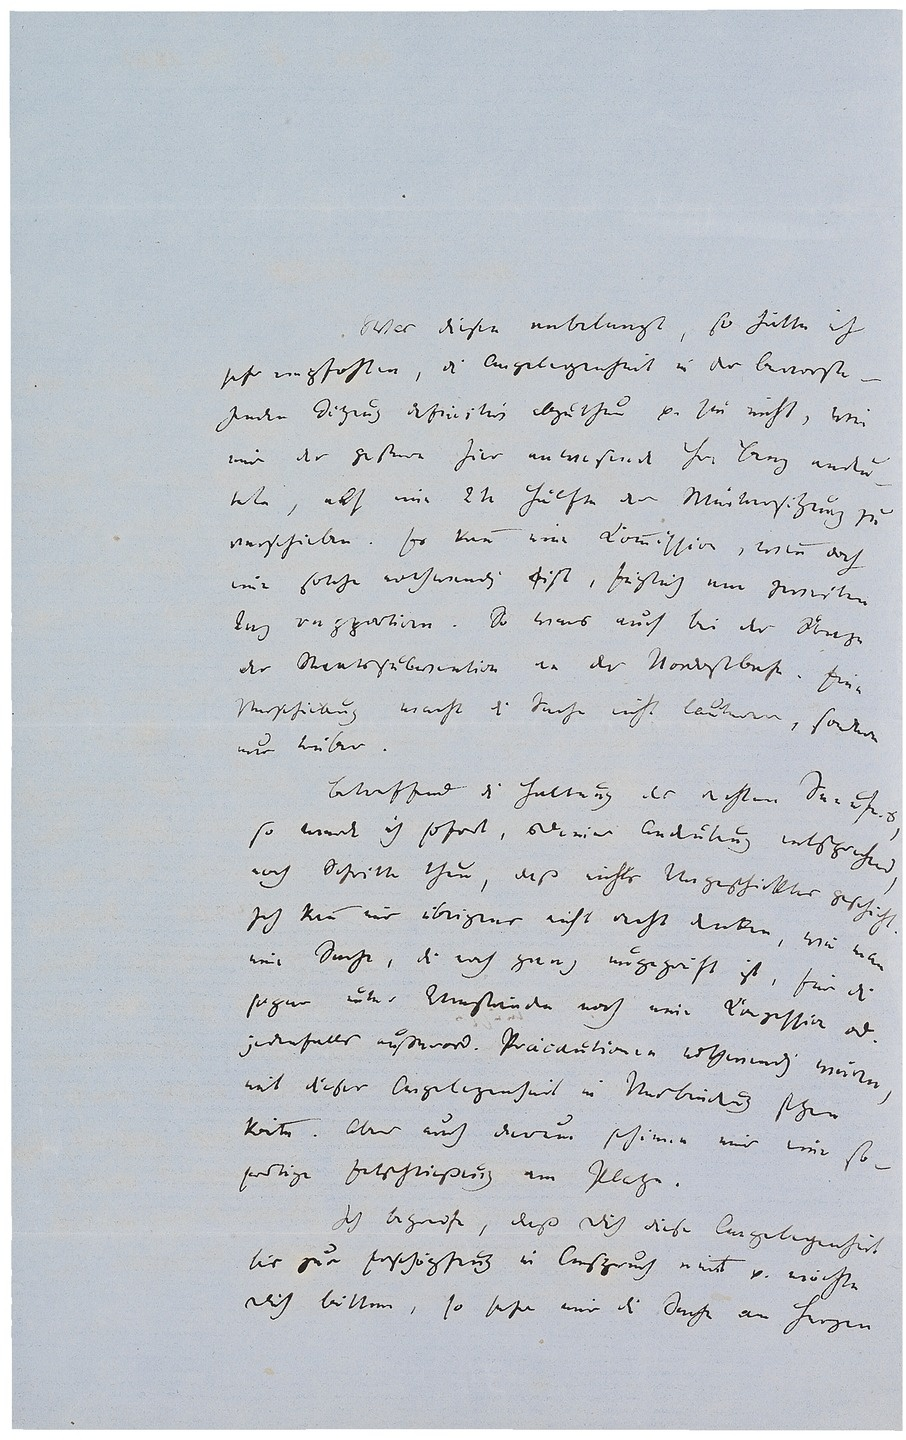Was diesen anbelangt, so hätte ich
sehr empfohlen, die Angelegenheit in der bevorste-
henden Sitzung definitiv abzuthun &. sie nicht, wie
mir der gestern hier anwesende Hr. Benz andeu-
tete, auf eine 2te Hälfte der Wintersitzung zu
verschieben. Es kann eine Kommission, wenn doch
eine solche nothwendig ist, füglich am zweiten
Tag rapportiren. So wars auch bei der Frage
der Staatssubvention an der Nordostbahn. Eine
Verschiebung macht die Sache nicht lauterer, sondern
nur trüber.
Betreffend die Haltung des rechten Seeufers,
so werde ich sofort, Deiner Andeutung entsprechend,
noch Schritte thun, daß nichts Ungeschicktes geschieht.
Ich kann mir übrigens nicht recht denken, wie man
eine Sache, die noch ganz ungeprüft ist, für die
sogar unter Umständen noch eine Konzession od.
jedenfalls außerord. Präcautionen nothwendig wären,
mit dieser Angelegenheit in Verbindung setzen
könnte. Aber auch darum schiene mir eine so-
fortige Entschließung am Platze.
Ich begreife, daß Dich diese Angelegenheit
bis zur Erschöpfung in Anspruch nimmt &. möchte
Dich bitten, so sehr mir die Sache am Herzen